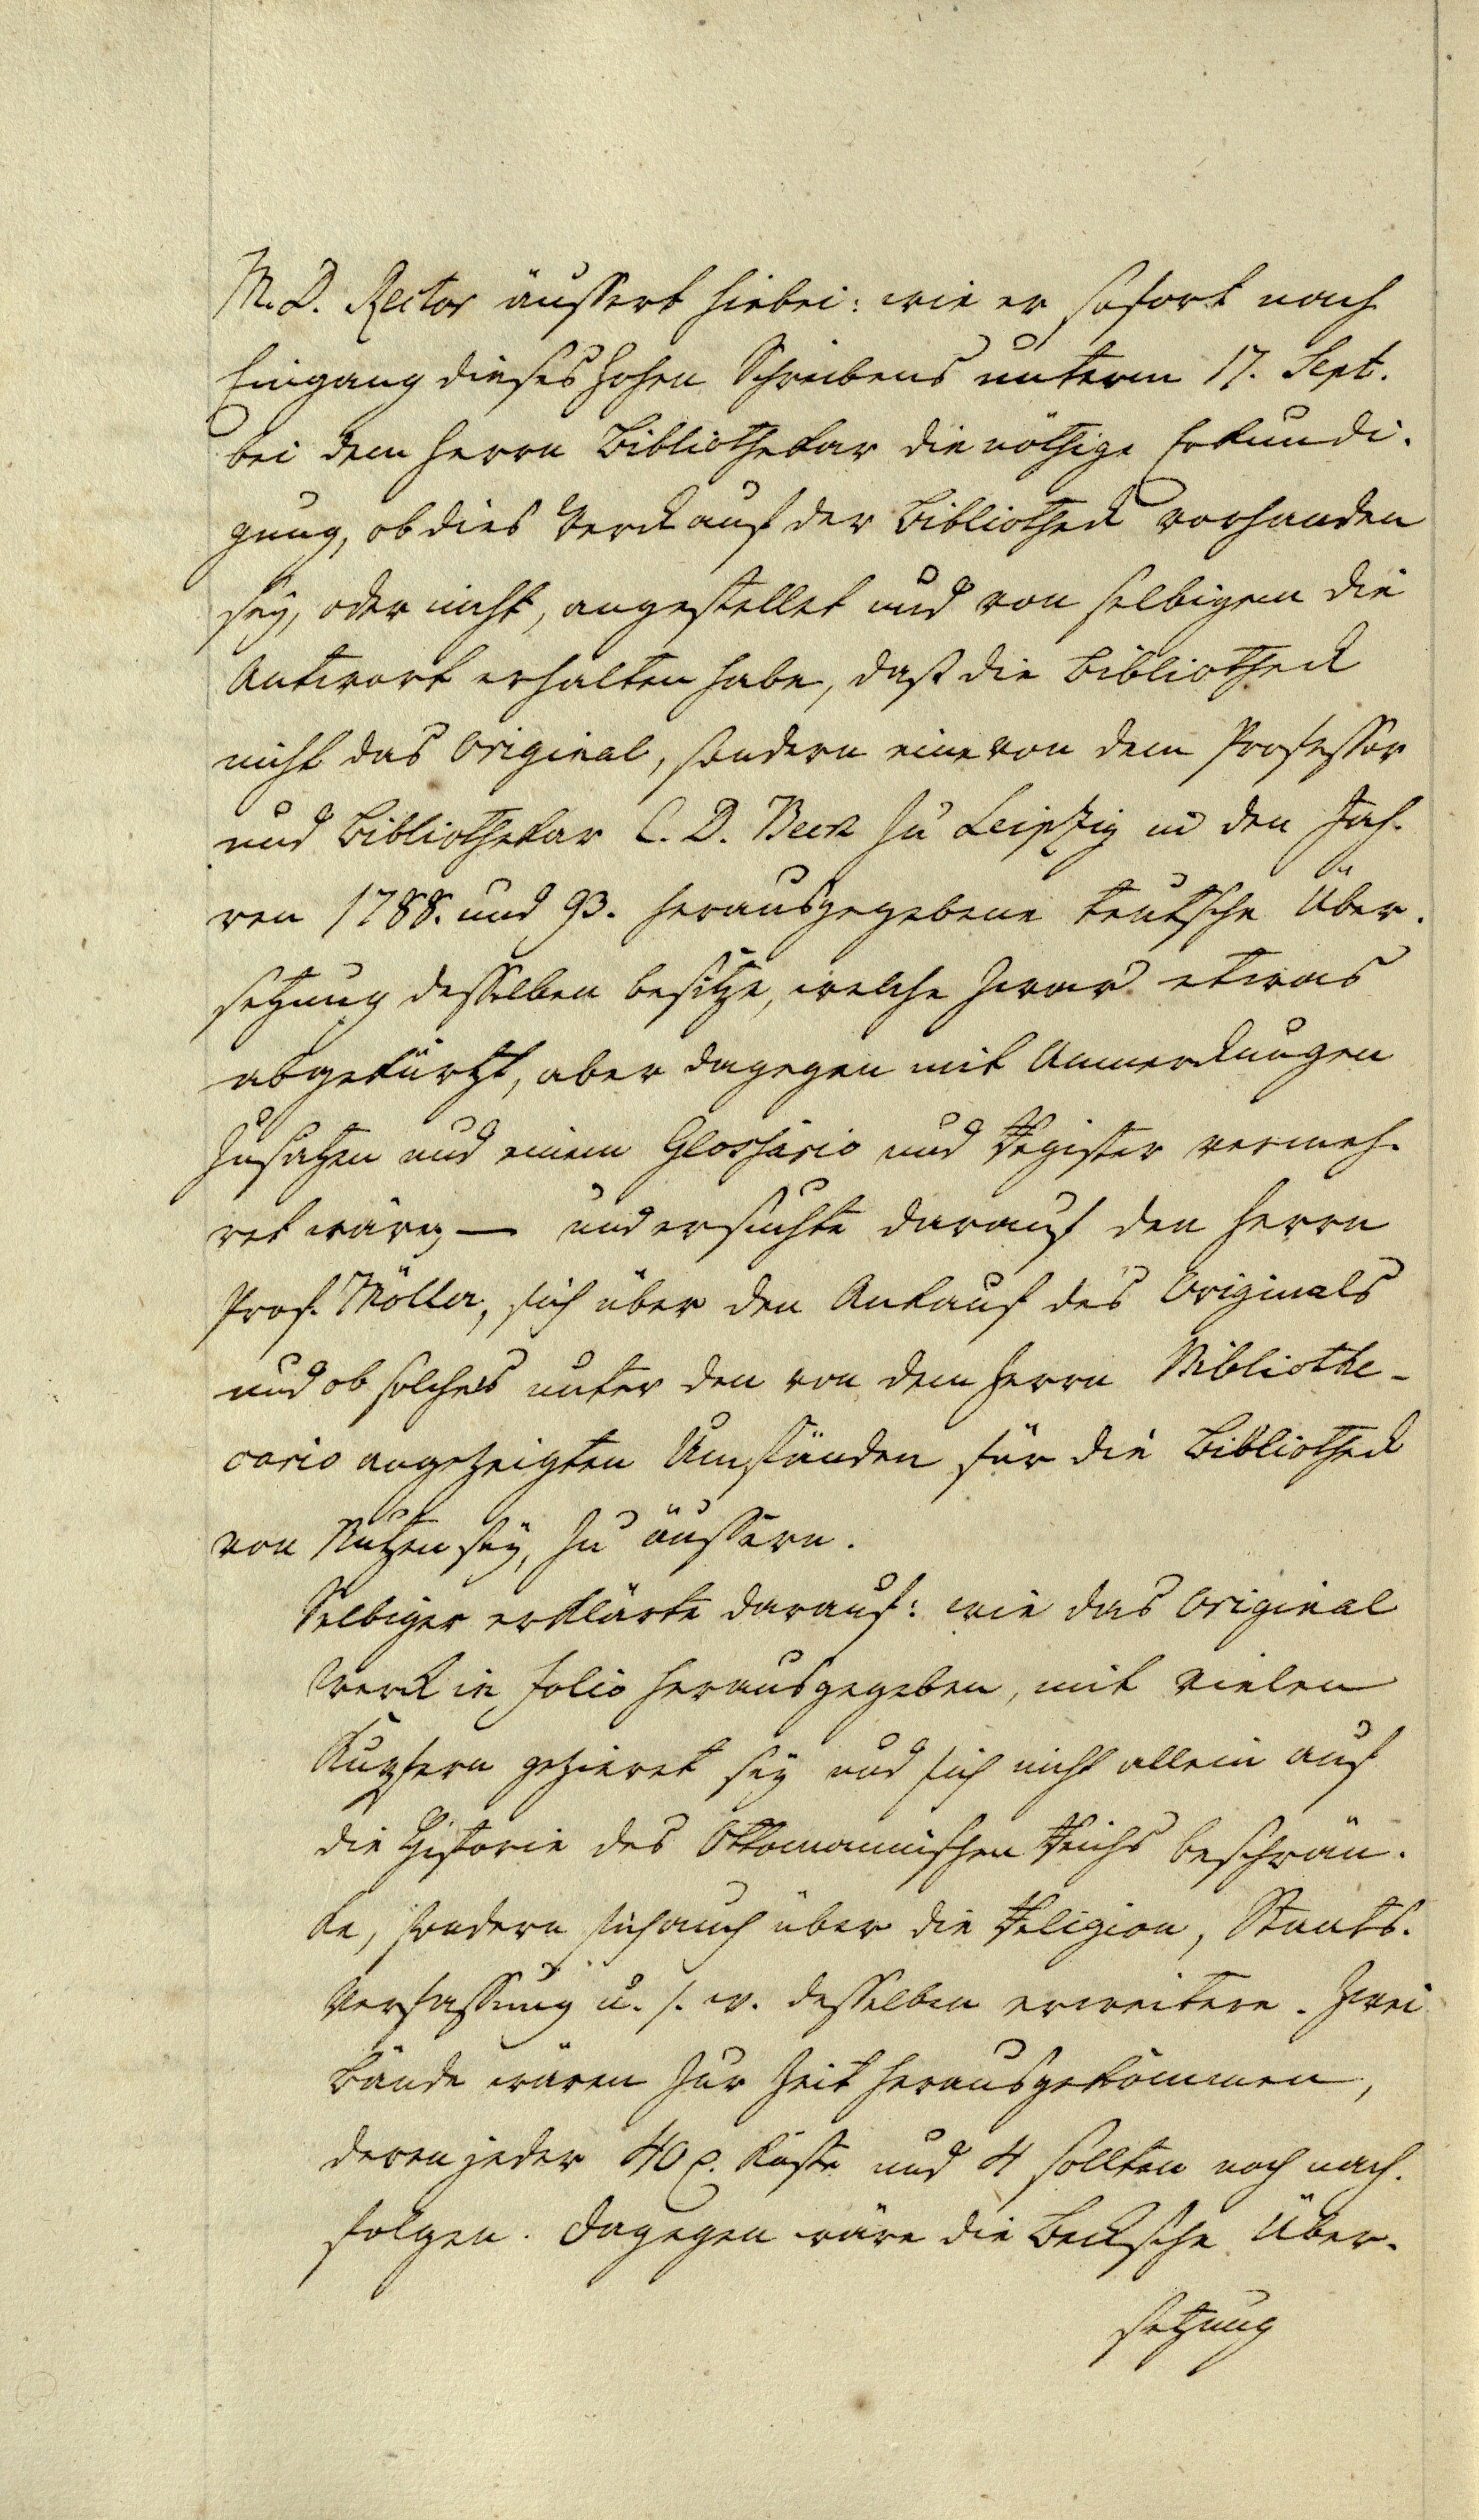M. D. Rector äussert hiebei: wie er sofort nach
Eingang dieses Hohen Schreibens unterm 17. Sept.
bei dem Herrn Bibliothekar die nöthige Erkundi¬
gung, ob dies Werck auf der Bibliotheck vorhanden
seÿ, oder nicht, angestellet und von selbigem die
Antwort erhalten habe, daß die Bibliotheck
nicht das Original, sondern eine von dem Professor
und Bibliothekar C. D. Beck zu Leipzig in den Jah¬
ren 1788. und 93. herausgegebene teutsche Über¬
setzung desselben besitze, welche zwar etwas
abgekürtzt, aber dagegen mit Anmerckungen
Zusatzen und einem Glossario und Register vermeh¬
ret wäre - und ersuchte darauf den Herrn
Prof. Möller, sich über den Ankauf des Originals
und ob solches unter den von dem Herrn Bibliothe¬
cario angezeigten Umständen für die Bibliotheck
von Nutzen seÿ, zu äussern.
Selbiger erklärte darauf: wie das Original
Werck in Folio herautgegeben, mit vielen
Kupfern gezieret seÿ und sich nicht allein auf
die Historie des Ottomannischen Reichs beschrän¬
ke, sondern sich auch über die Religion, Staats¬
Verfassung u. s. w. desselben erweitere. Zwei
Bände wären zur Zeit herausgekommen,
deren jeder 40 l. koste und 4 sollten noch nach¬
folgen. Dagegen wäre die Becksche Über¬
setzung